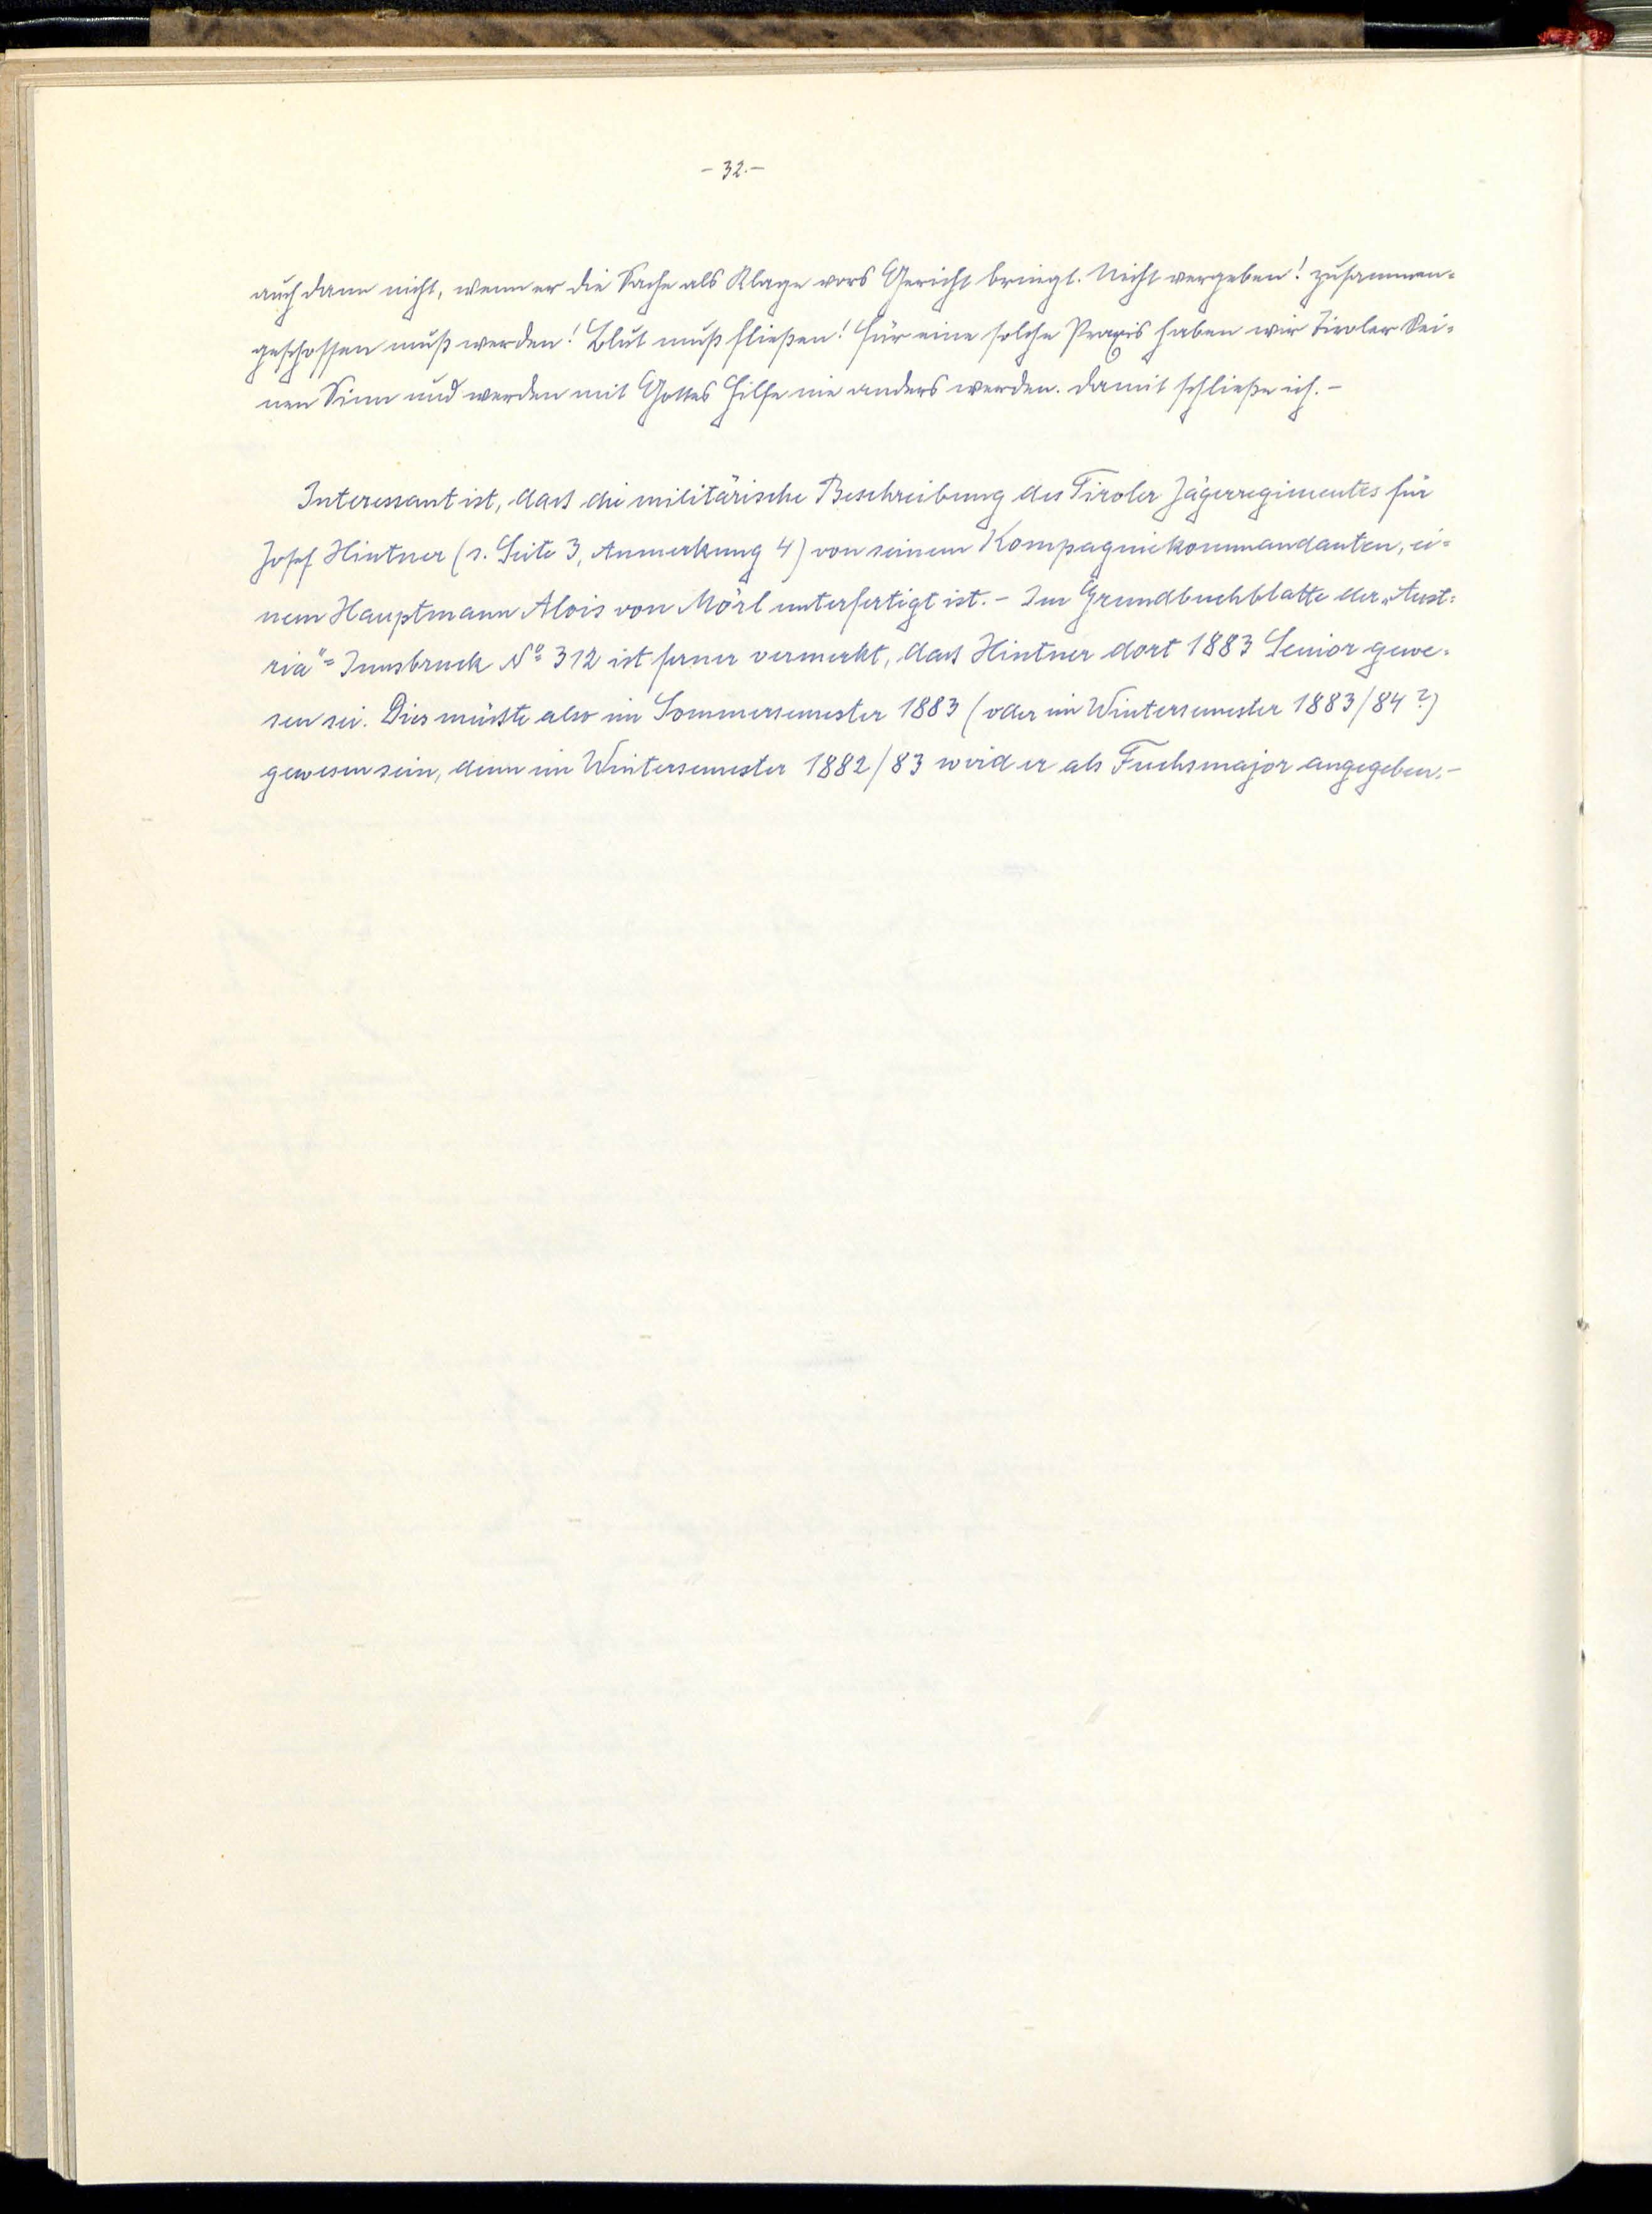32.
auch dann nicht, wenn er die Sache als Klage vors Gericht bringt. Nicht vergeben! zusammen-
geschossen muß werden! Blut muß fließen! Für eine solche Praxis haben wir Tiroler kei-
nen Sinn und werden mit Gottes Hilfe nie anders werden. Damit schließe ich.-
Interessant ist, daß die militarische Beschreibung des Tiroler Jägerregiments für
Josef Hintner (s. Seite 3, Anmerkung 4) von seinem Kompagniekommandanten, ei-
nem Hauptmann Alois von Mörl entfertigt ist.- Im Grundbuchblatte der „Aust-
ria“ – Innsbruck Nr. 318 ist ferner vermerkt, dass Hintner dort 1883 Senior gewe-
sen sei. Dies müsste aber im Sommersemester 1883 (oder im Wienterseesher 1883 /84?)
gewesen sein, denn im Wintersemester 1882/83 wird er als Fuchsmajor angegeben.-